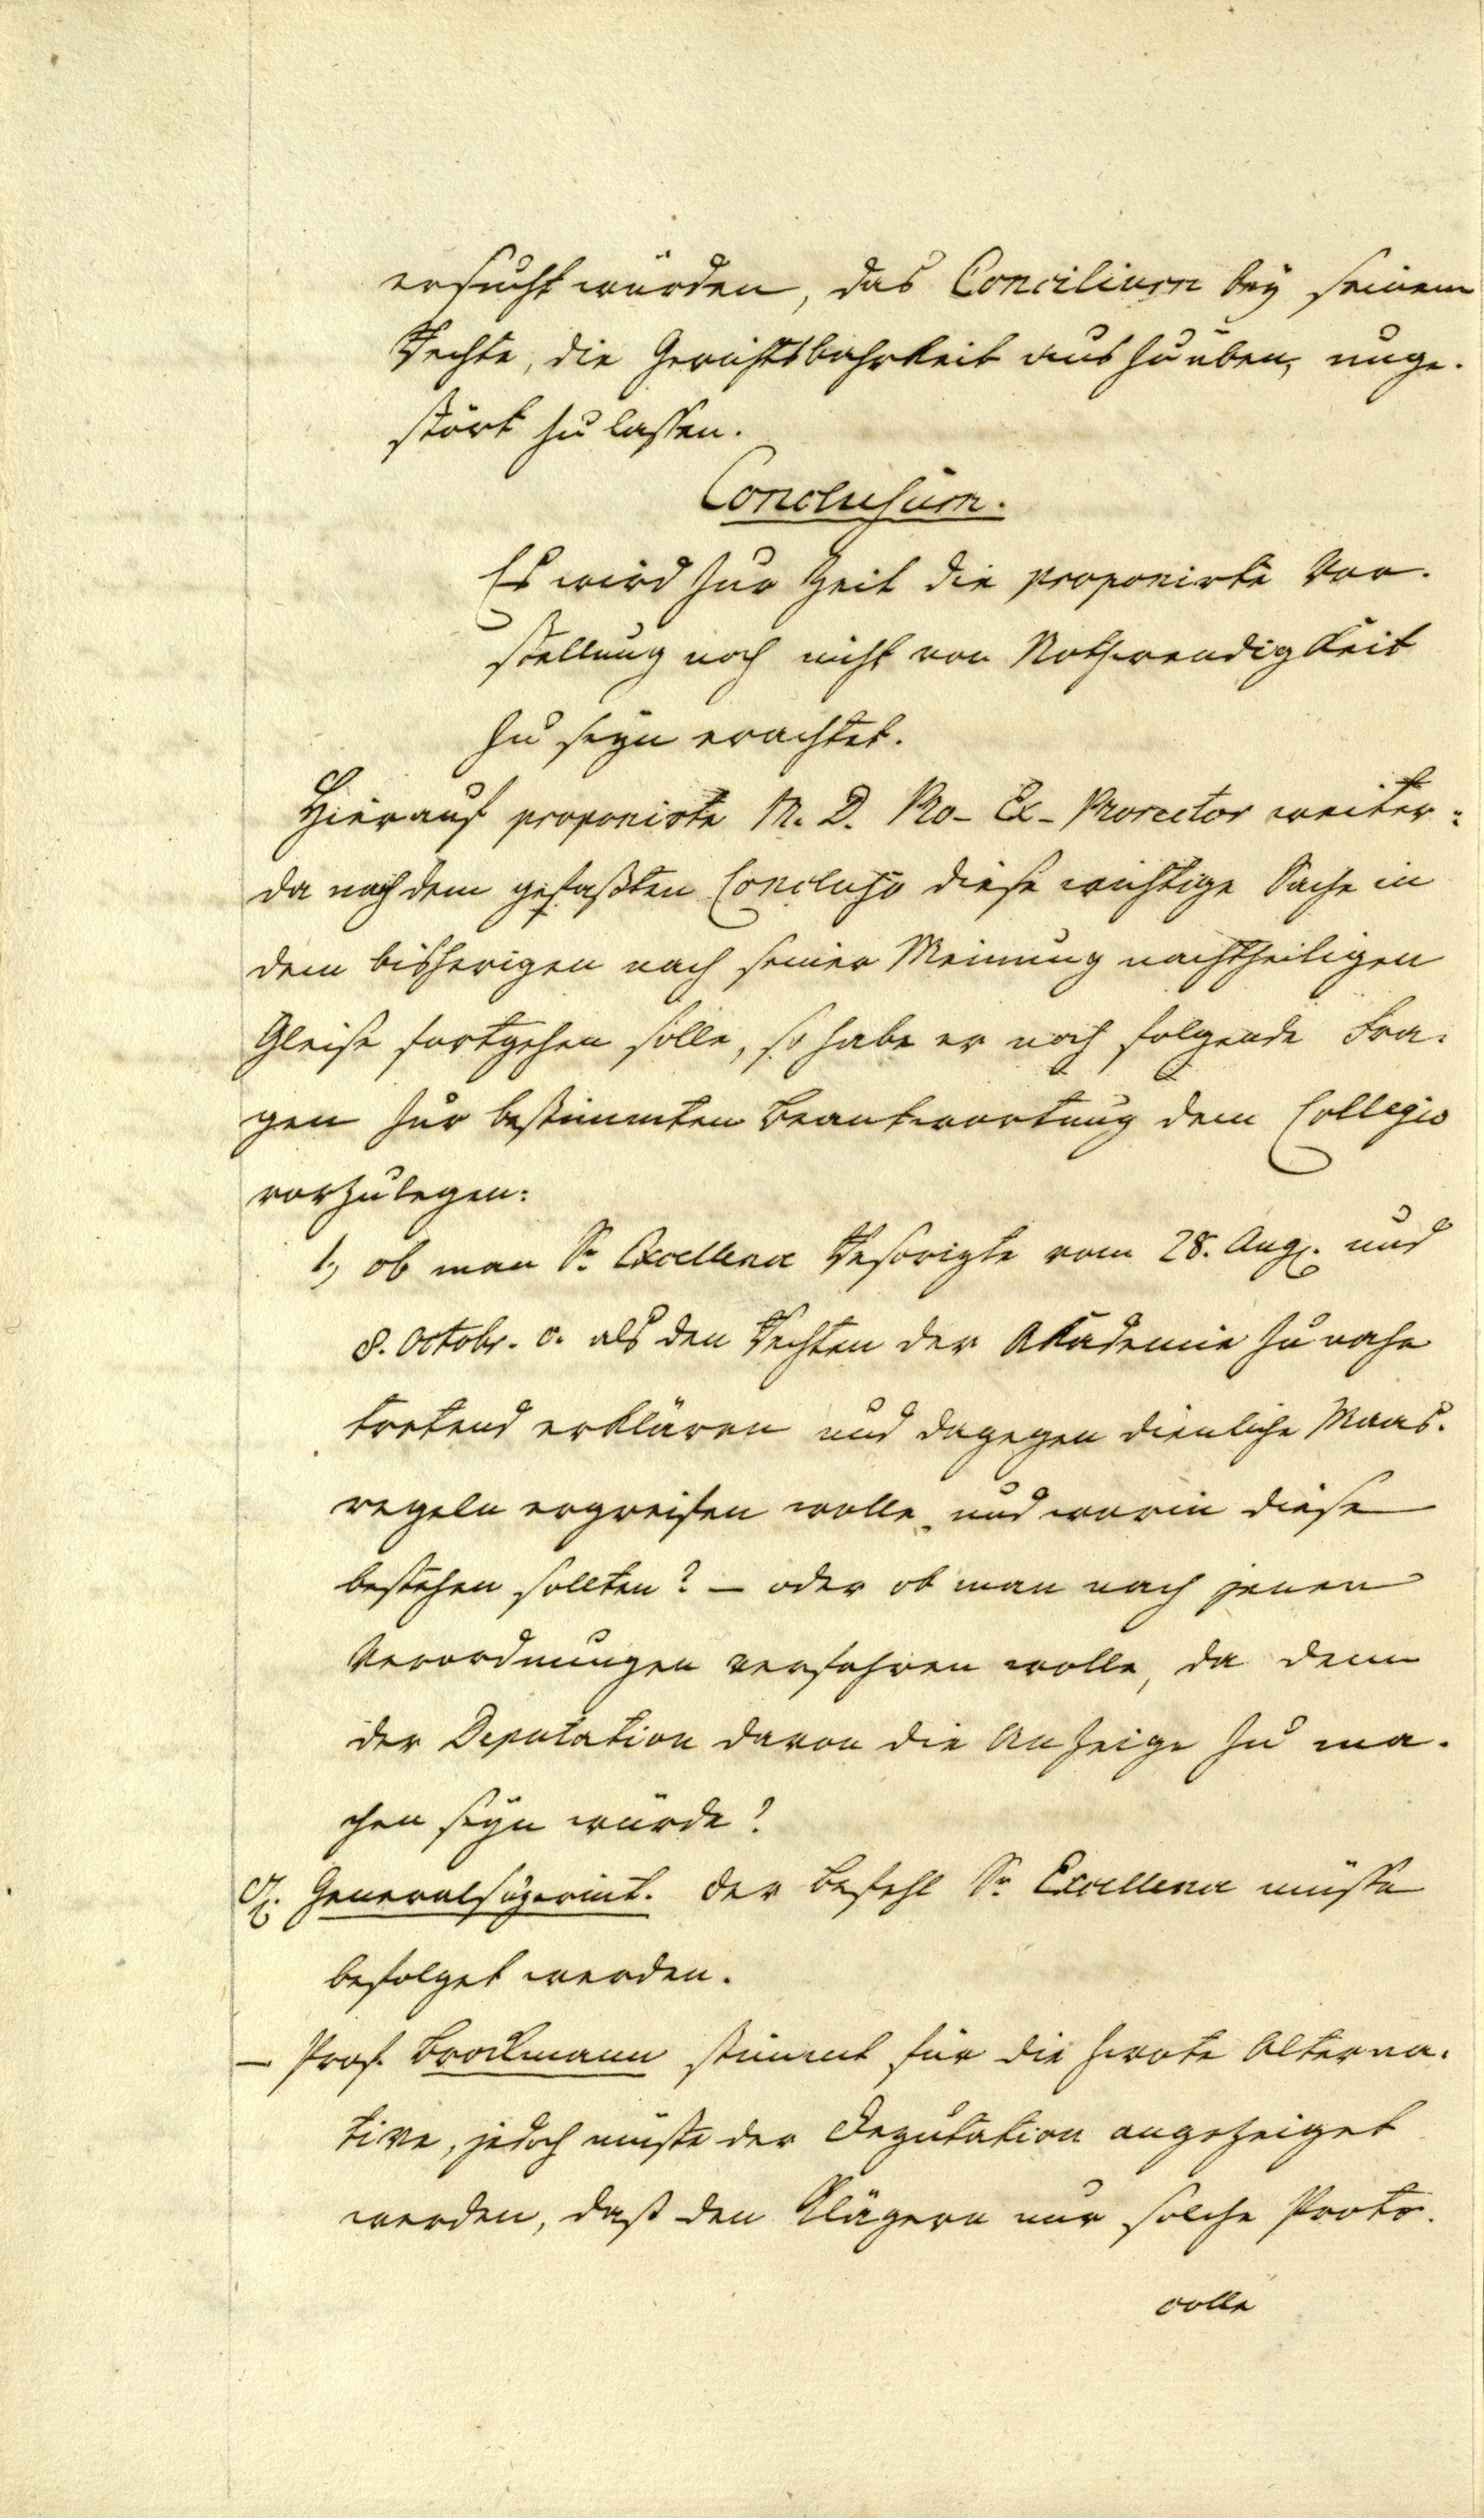ersucht würden, das Concilium bey seinem
Rechte, die Gerichtsbahrkeit aus zu üben unge¬
stört zu lassen.
Conclusum.
Es wird zur Zeit die proponirte Vor¬
stellung noch nicht von Nothwendigkeit
zu seÿn erachtet.
Hierauf proponirte M. D. Pro Ex. Prorector weiter:
da nach dem gefaßten Concluso diese wichtige Sache in
dem bisherigen nach seiner Meinung nachtheiligen
Gleise fortgehen solle, so habe er noch folgende Fra¬
gen zur bestimmten Beantwortung dem Collegio
vorzulegen:
1., ob man Sr Excellence Rescripte vom 28. Aug. und
8. Octobr. c. als den Rechten der Akademie zu nahe¬
tretend erklären und dagegen dienliche Maas¬
regeln ergreifen wolle, und worin diese
bestehen sollten? oder ob man nach jenen
Verordnungen verfahren wolle, da denn
der Deputation davon die Anzeige zu ma¬
chen seÿn würde?
dh. Generalsuperint. der Befehl Sr Excellence müsse
befolget werden.
Prof. Brockmann stimmt für die zwote Alterna¬
tive, jedoch müßte der Deputation angezeiget
werden, daß den Klägern nur solche Proto¬
colle